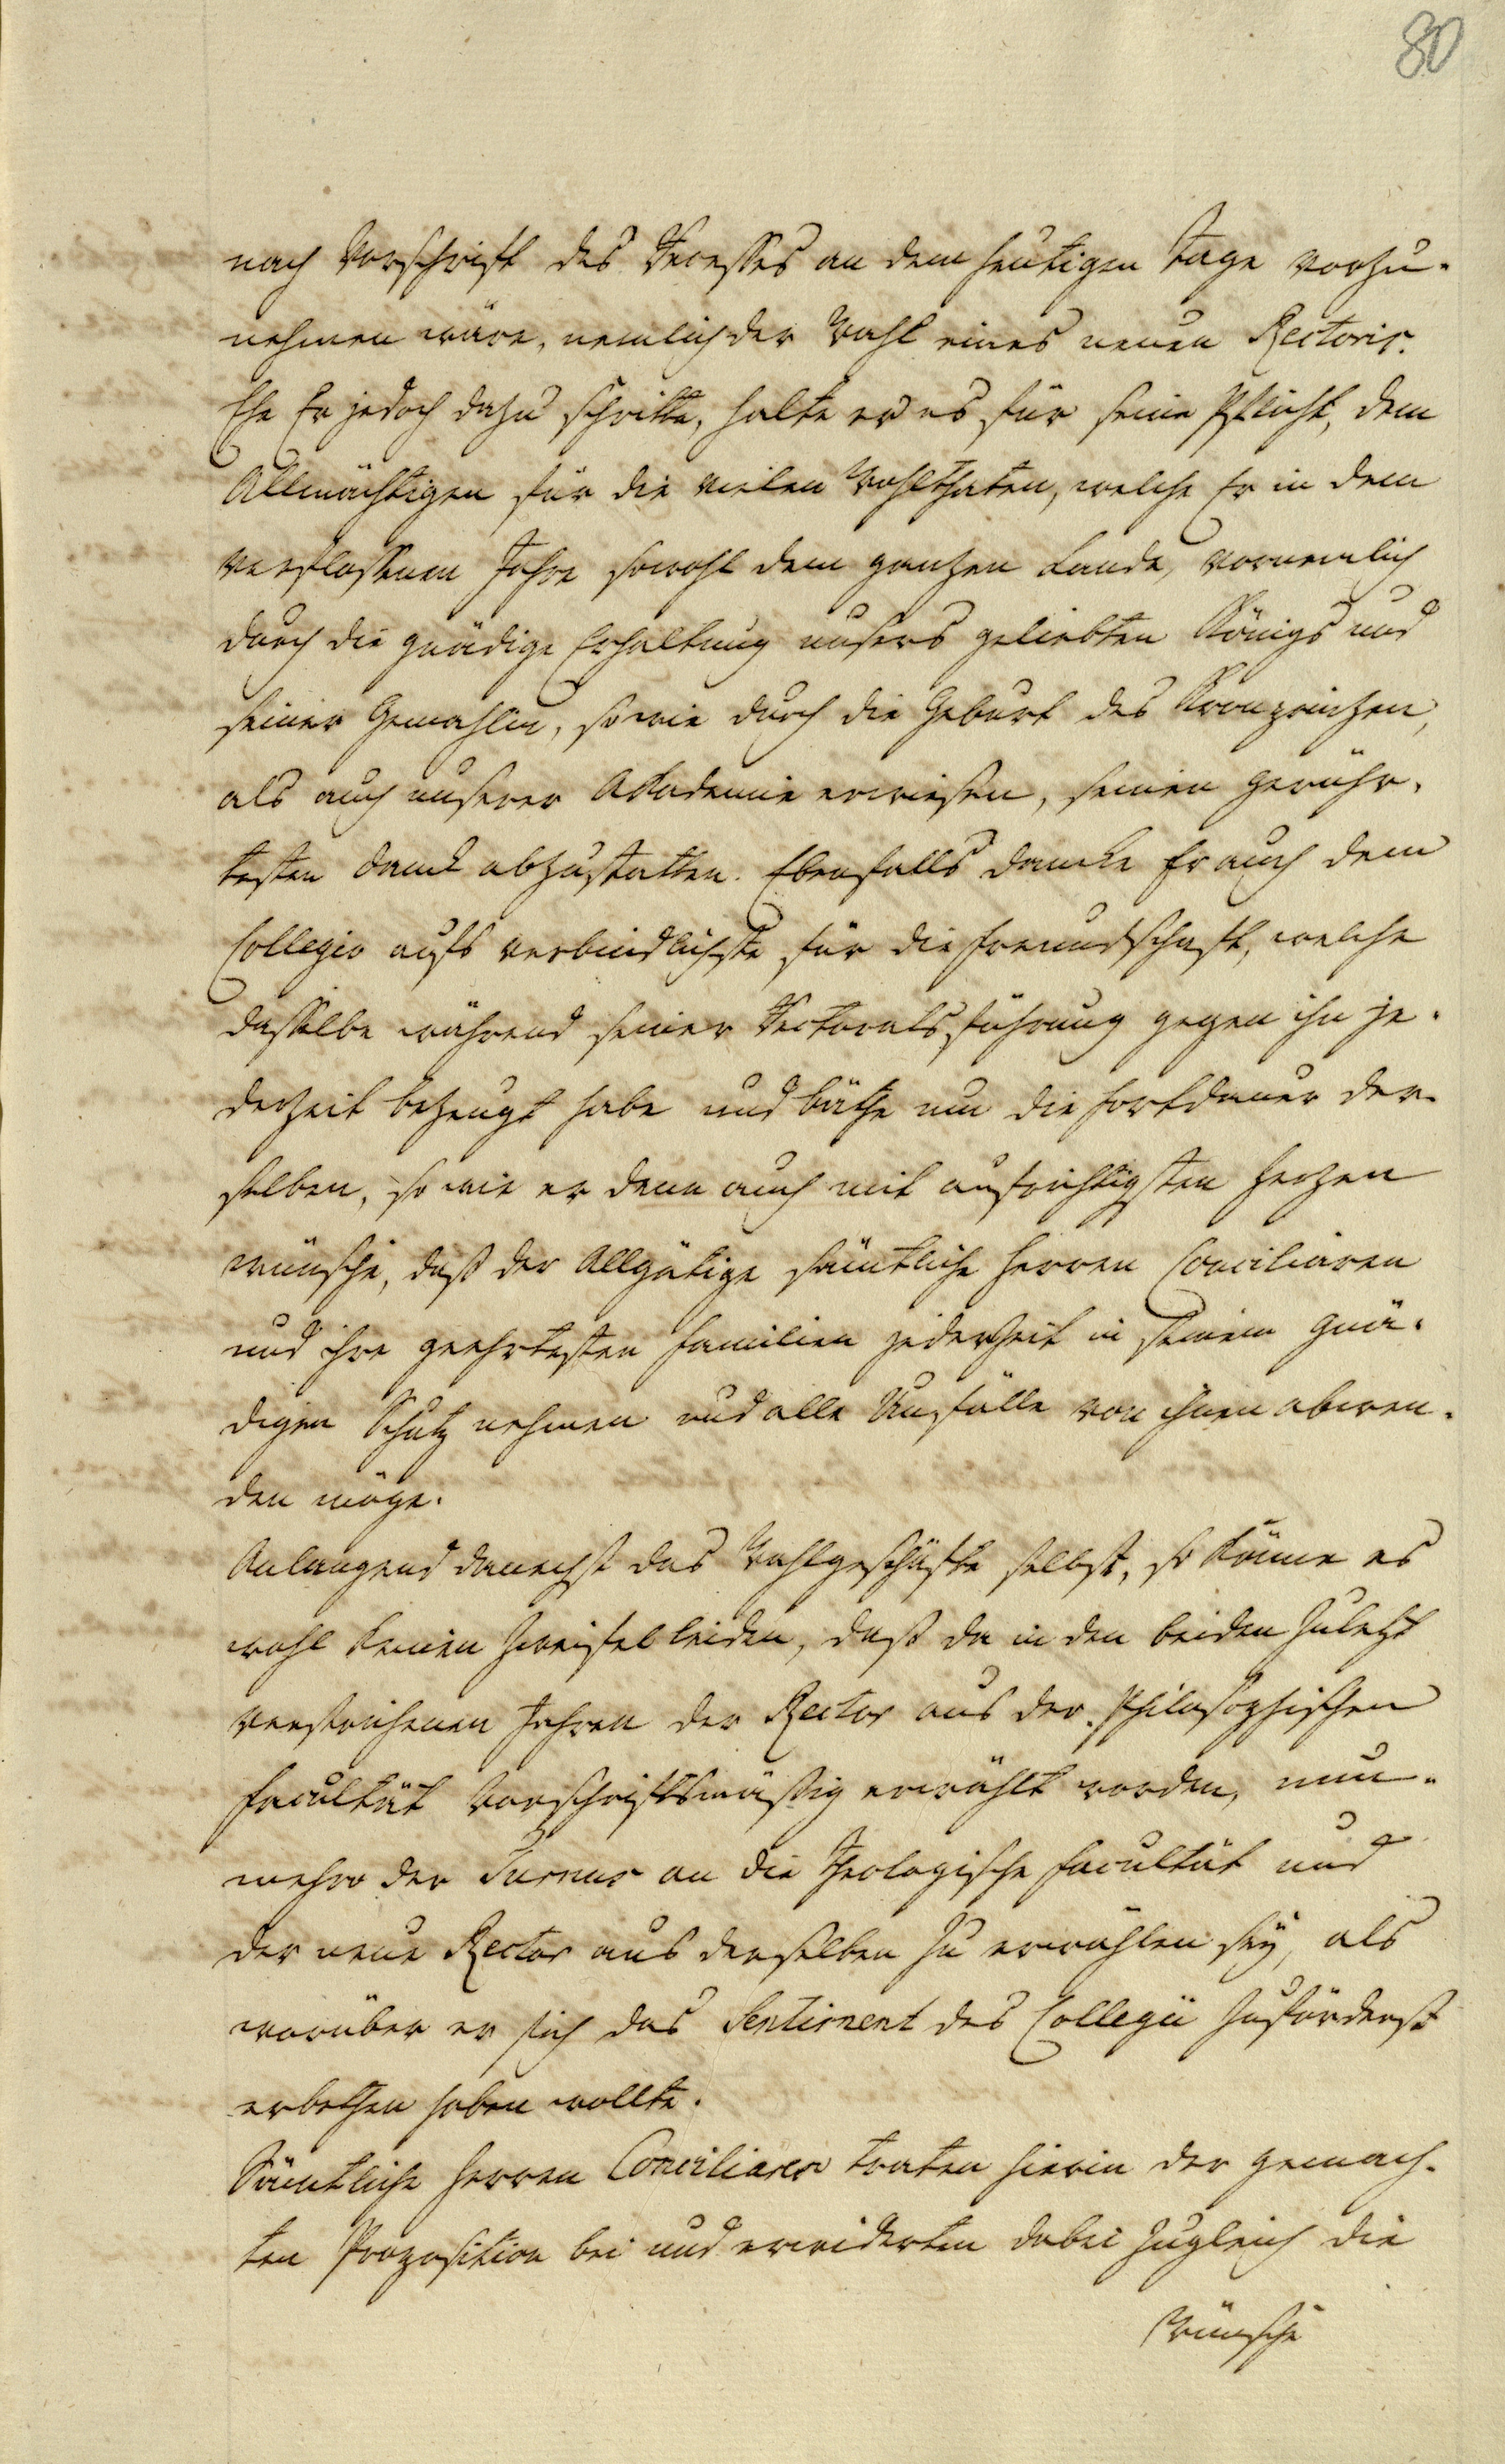nach Vorschrift des Recesses an dem heutigen Tage vorzu¬
nehmen wäre, nemlich der Wahl eines neuen Rectoris.
Ehe Er jedoch dazu schritte, halte er es für seine Pflicht, dem
Allmächtigen für die vielen Wohlthaten, welche Er in dem
verflossenen Jahre sowohl dem ganzen Lande, vornemlich
durch die gnädige Erhaltung unsers geliebten Königs und
seiner Gemahlin, sowie durch die Geburt des Kronprinzen,
als auch unserer Akademie erwiesen, seinen gerühr¬
testen Danck abzustatten. Ebenfalls dancke Er auch dem
Collegio aufs verbindlichste für die Freundschaft, welche
dasselbe während seiner Rectoratsführung gegen ihn je¬
derzeit bezeugt habe und bäthe um die Fortdauer der¬
selben, so wie er denn auch mit aufrichtigsten Herzen
wünsche, daß der Allgütige sämtliche Herren Conciliaren
und ihre geehrtesten Familien jederzeit in seinem gnä¬
digen Schutz nehmen und alle Unfälle von ihnen abwen¬
den möge.
Anlangend danechst das Wahlgeschäfte selbst, so könne es
wohl keinen Zweifel leiden, daß da in den beiden zuletzt
verstrichenen Jahren der Rector aus der Philosophischen
Facultät vorschriftsmäßig erwählt worden, nun¬
mehro der Turnus an die Theologische Facultät und
der neue Rector aus derselben zu erwählen seÿ, als
worüber er sich das Sentiment des Collegii zuförderst
erbethen haben wollte.
Sämtliche Herren Conciliares traten hierin der gemach¬
ten Proposition bei und erwiderten dabei zugleich die
Wünsche